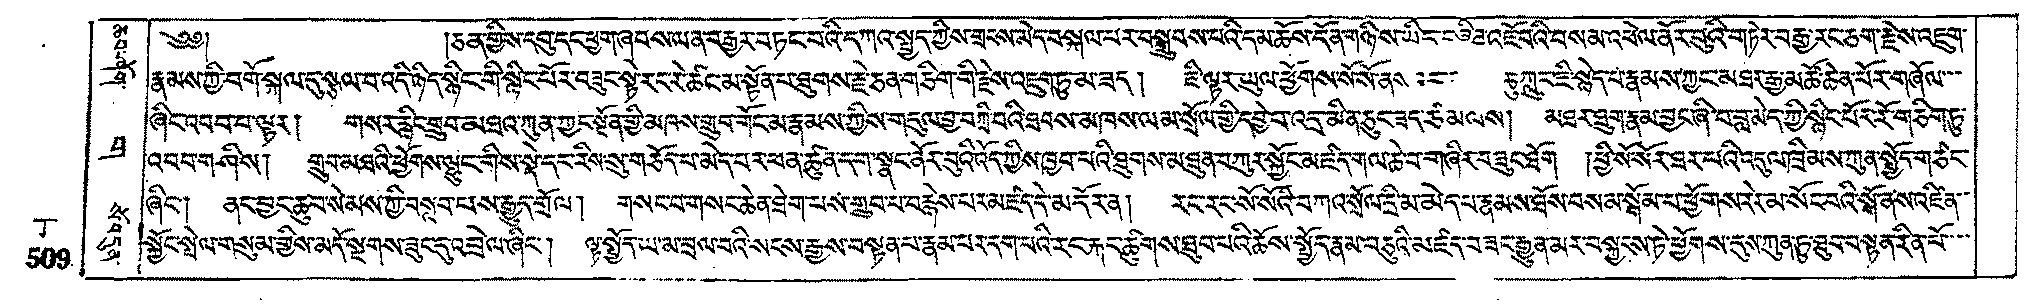༄༅། །ཅན་གྱིས་དབུ་དང་ཕྱག་ཞབས་ལན་བརྒྱར་བཏང་བའི་དཀའ་སྤྱད་ཀྱིས་གྲངས་མེད་བསྐལ་པར་བསྒྲུབས་པའི་དམ་ཆོས་དོན་གཉིས་ཡིད་བཞིན་འཇོ་བའི་བསམ་འཕེལ་ནོར་བུའི་གཏེར་བརྒྱ་རང་ཅག་རྗེས་འཇུག་
རྣམས་ཀྱི་བགོ་སྐལ་དུ་སྩལ་བ་འདི་ཉིད་སྙིང་གི་སྙིང་པོར་བཟུང་སྟེ་རང་རེ་ཚང་མ་སྟོན་པ་ཐུགས་རྗེ་ཅན་གཅིག་གི་རྗེས་འཇུག་ཏུ་མ་ཟད། ཇི་ལྟར་ཡུལ་ཕྱོགས་སོ་སོ་ནས་ཆུ་ཀླུང་ཇི་སྙེད་པ་རྣམས་ཀྱང་མཐར་རྒྱ་མཚོ་ཆེན་པོར་གཞོལ་་་
ཞིང་འབབ་པ་ལྟར། གསར་རྙིང་གྲུབ་མཐའ་ཀུན་ཀྱང་སྔོན་གྱི་མཁས་གྲུབ་གོང་མ་རྣམས་ཀྱིས་གདུལ་བྱ་བཀྲི་བའི་ཐབས་མཁས་ལམ་སྲོལ་གྱི་དབྱེ་བ་འདྲ་མིན་ཅུང་ཟད་ཙམ་ལས། མཐར་ཐུག་རྣམ་བྱང་ཞི་བ་བླ་མེད་ཀྱི་སྙིང་པོར་རོ་གཅིག་ཏུ་
འབབ་གཤིས། གྲུབ་མཐའི་ཕྱོགས་ལྷུང་གིས་སྡེ་དང་རིས་སུ་གཅོད་པ་མེད་པར་ཕན་ཚུན་དག་སྣང་ནོར་བུའི་འོད་ཀྱིས་ཁྱབ་པའི་ཐུགས་མཐུན་བཀུར་སྐྱོང་མཛད་གལ་ཆེ་བ་གཞིར་བཟུང་ཐོག །ཕྱི་སོ་སོར་ཐར་པའི་འདུལ་ཁྲིམས་ཀུན་སྤྱོད་གཙང་
ཞིང་། ནང་བྱང་ཆུབ་སེམས་ཀྱི་བསླབ་པས་རྒྱུད་གྲོལ། གསང་བ་གསང་ཆེན་ཐེག་པས་གྲུབ་པ་བརྙེས་པར་མཛད་དེ་མདོར་ན། རང་རང་སོ་སོའི་བཀའ་སྲོལ་དྲི་མ་མེད་པ་རྣམས་ཐོས་བསམ་སྒོམ་པ་ཕྱོགས་རེར་མ་སོང་བའི་སྒོ་ནས་འཛིན་་་
སྐྱོང་སྤེལ་གསུམ་གྱིས་མདོ་སྔགས་ཟུང་དུ་འབྲེལ་ཞིང་། ལྟ་སྤྱོད་ཡ་མ་བྲལ་བའི་སངས་རྒྱས་བསྟན་པ་རྣམ་པར་དག་པའི་རང་རྐང་ཚུགས་ཐུབ་པའི་ཆོས་སྤྱོད་རྣམ་བཅུའི་མཛད་བཟང་རྒྱུན་མར་བསྐྱངས་ཏེ་ཕྱོགས་དུས་ཀུན་ཏུ་ཐུབ་བསྟན་རིན་པོ་་་